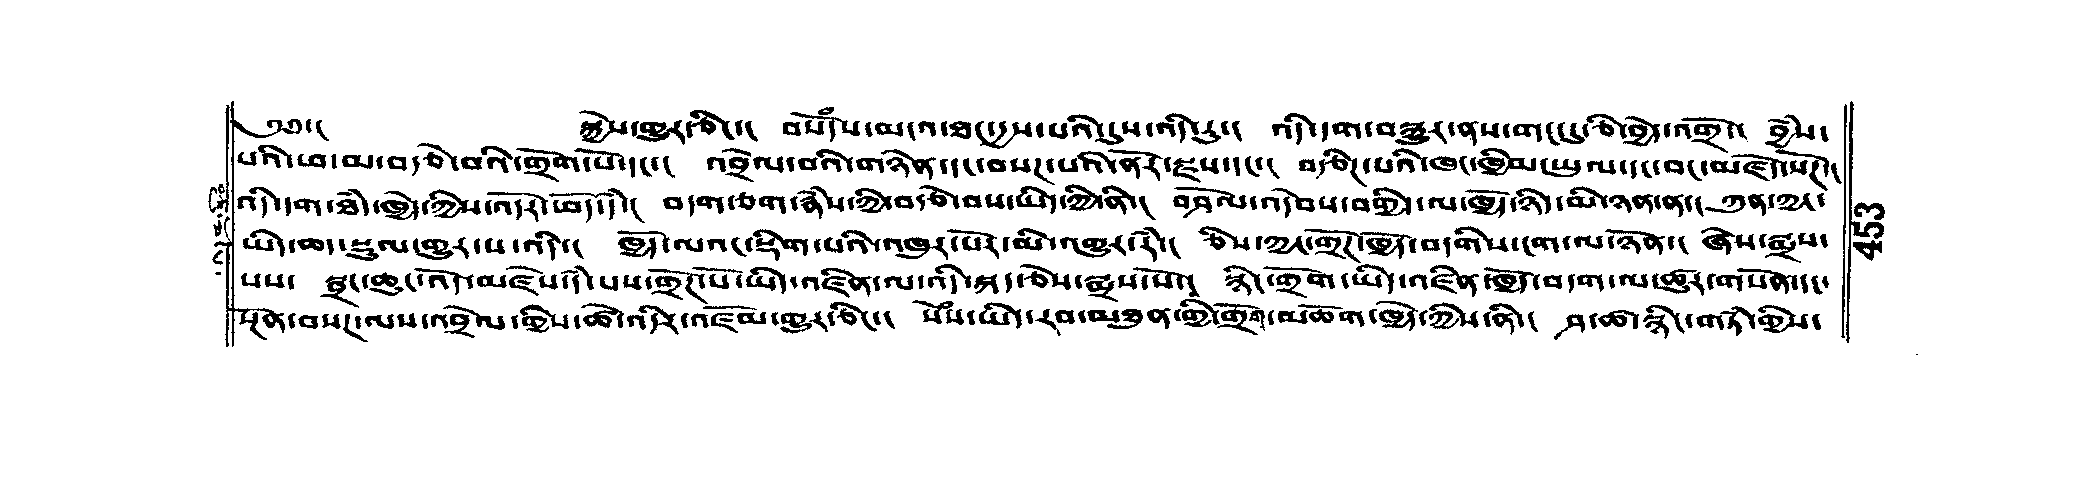སྐྱེས་གྱུར་ཅིང། །བསོད་ནམས་མངའ་ཐང་རྒྱས་པའི་དུས་འདི་རུ། །འདི་དག་བསྐྱུར་ནས་གང་དུ་ཅི་བྱེད་འགྲོ། །བྱམས་
པའི་ཕ་མ་བརྩེ་བའི་གྲོགས་པོ་དང་། །འབྲེལ་བའི་གཉེན་དང་བསགས་པའི་ནོར་རྫས་དང་། །བརྩིགས་པའི་ཁང་ཁྱིམ་ཡུལ་དང་བང་མཛོད་སོགས། །
འདི་དག་ཐམས་ཅད་ཁྱེད་ཀྱིས་འདོར་ཕོད་དམ། །བདག་ཅག་རྣམས་ཀྱི་བརྩེ་བས་ཡིད་ཀྱི་ནི། །བཤོལ་འདེབས་བགྱིད་ལ་ཁྱོད་ཉིད་མི་ཉན་ན། །ཀུན་ཀྱང་
ཡིད་ཆད་སྡུག་བསྔལ་གྱུར་པ་འདི། །ཁྱོད་ལའང་སྡིག་པའི་འཁུར་པོར་མི་འགྱུར་རམ། །ཅིས་ཀྱང་གྲོགས་ཁྱོད་བདག་གི་ངག་ལ་ཉོན། ཞེས་སྨྲས་
པས། སྦྲང་ཆུང་འོད་མཛེས་དམ་པས་གྲོགས་པོ་ཡིད་འཛིན་ལ་འདི་སྐད་ཅེས་སྨྲས་སོ། སྙིང་གྲོགས་ཡིད་འཛིན་ཁྱོད་བདག་ལ་ཚུར་གསོན་དང་། །
སྔོན་བསགས་ལས་འབྲེལ་གྱིས་ཚེ་འདིར་འཛོམ་གྱུར་ཅིང་། །སེམས་ཡིད་རབ་མཐུན་གྱི་གྲོགས་མཆོག་ཁྱེད་ཀྱིས་ནི། །ཤ་ཚ་སྙིང་གཏམ་གྱིས་